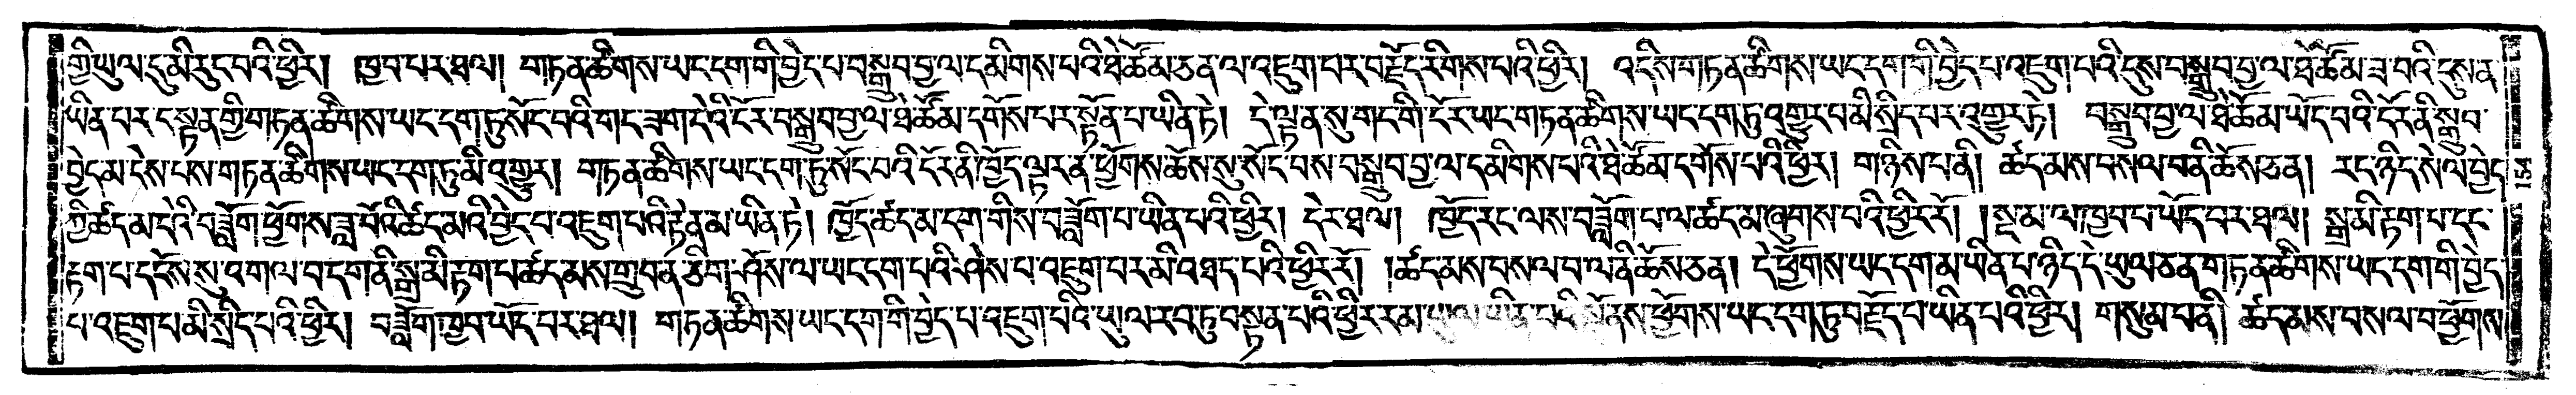གྱི་ཡུལ་དུ་མི་རུང་བའི་ཕྱིར། ཁྱབ་པར་ཐལ། གཏན་ཚིགས་ཡང་དག་གི་བྱེད་པ་བསྒྲུབ་བྱ་ལ་དམིགས་པའི་ཐེ་ཚོམ་ཅན་ལ་འཇུག་པར་བརྗོད་རིགས་པའི་ཕྱིར། འདིས་གཏན་ཚིགས་ཡང་དག་གི་བྱེད་པ་འཇུག་པའི་དུས་བསྒྲུབ་བྱ་ལ་ཐེ་ཚོམ་ཟ་བའི་དུས་ན་
ཡིན་པར་བསྟན་གྱི་གཏན་ཚིགས་ཡང་དག་ཏུ་སོང་བའི་གང་ཟག་དེའི་ངོར་བསྒྲུབ་བྱ་ལ་ཐེ་ཚོམ་དགོས་པར་སྟོན་པ་ཡིན་ཏེ། དེ་ལྟ་ན་སུ་གང་གི་ངོར་ཡང་གཏན་ཚིགས་ཡང་དག་ཏུ་འགྱུར་པ་མི་སྲིད་པར་འགྱུར་ཏེ། བསྒྲུབ་བྱ་ལ་ཐེ་ཚོམ་ཡོད་པའི་དོར་ནི་སྒྲུབ་
བྱེད་མ་དེས་པས་གཏན་ཚིགས་ཡང་དག་ཏུ་མི་འགྱུར། གཏན་ཚིགས་ཡང་དག་ཏུ་སོང་བའི་དོར་ནི་ཁྱོད་ལྟར་ན་ཕྱོགས་ཆོས་སུ་སོང་བས་བསྒྲུབ་བྱ་ལ་དམིགས་པའི་ཐེ་ཚོམ་དགོས་པའི་ཕྱིར། གཉིས་པ་ནི། ཚད་མས་བསལ་བ་ནི་ཆོས་ཅན། རང་ཉིད་སེལ་བྱེད་
ཀྱི་ཚད་མ་དེའི་བཟློག་ཕྱོགས་ཟླ་བོའི་ཚད་མའི་བྱེད་པ་འཇུག་པའི་རྟེན་མ་ཡིན་ཏེ། ཁྱོད་ཚད་མ་དག་གིས་བཟློག་པ་ཡིན་པའི་ཕྱིར། དེར་ཐལ། ཁྱོད་རང་ལས་བཟློག་པ་ལ་ཚད་མ་ཞུགས་པའི་ཕྱིར་རོ། །སྔ་མ་ལ་ཁྱབ་པ་ཡོད་པར་ཐལ། སྒྲ་མི་རྟག་པ་དང་
རྟག་པ་དངོས་སུ་འགལ་བ་དག་ནི་སྒྲ་མི་རྟག་པ་ཚད་མས་གྲུབ་ན་ཅིག་ཤོས་ལ་ཡང་དག་པའི་ཤེས་པ་འཇུག་པར་མི་འཐད་པའི་ཕྱིར་རོ། །ཚད་མས་བསལ་བ་ལ་ནི་ཆོས་ཅན། དེ་ཕྱོགས་ཡང་དག་མ་ཡིན་པ་ཉིད་དེ་ཡུལ་ཅན་གཏན་ཚིག་ཡང་དག་གི་བྱེད་
པ་འཇུག་པ་མི་སྲིད་པའི་ཕྱིར། བཟློག་ཁྱབ་ཡོད་པར་ཐལ། གཏན་ཚིགས་ཡང་དག་གི་བྱེད་པ་འཇུག་པའི་ཡུལ་རབ་ཏུ་བསྟན་པའི་ཕྱིར་རམ་ཡུལ་ཡིན་པའི་སྒོ་ནས་ཕྱོགས་ཡང་དག་ཏུ་བརྗོད་པ་ཡིན་པའི་ཕྱིར། གསུམ་པ་ནི། ཚད་མས་བསལ་བ་ཕྱོགས་